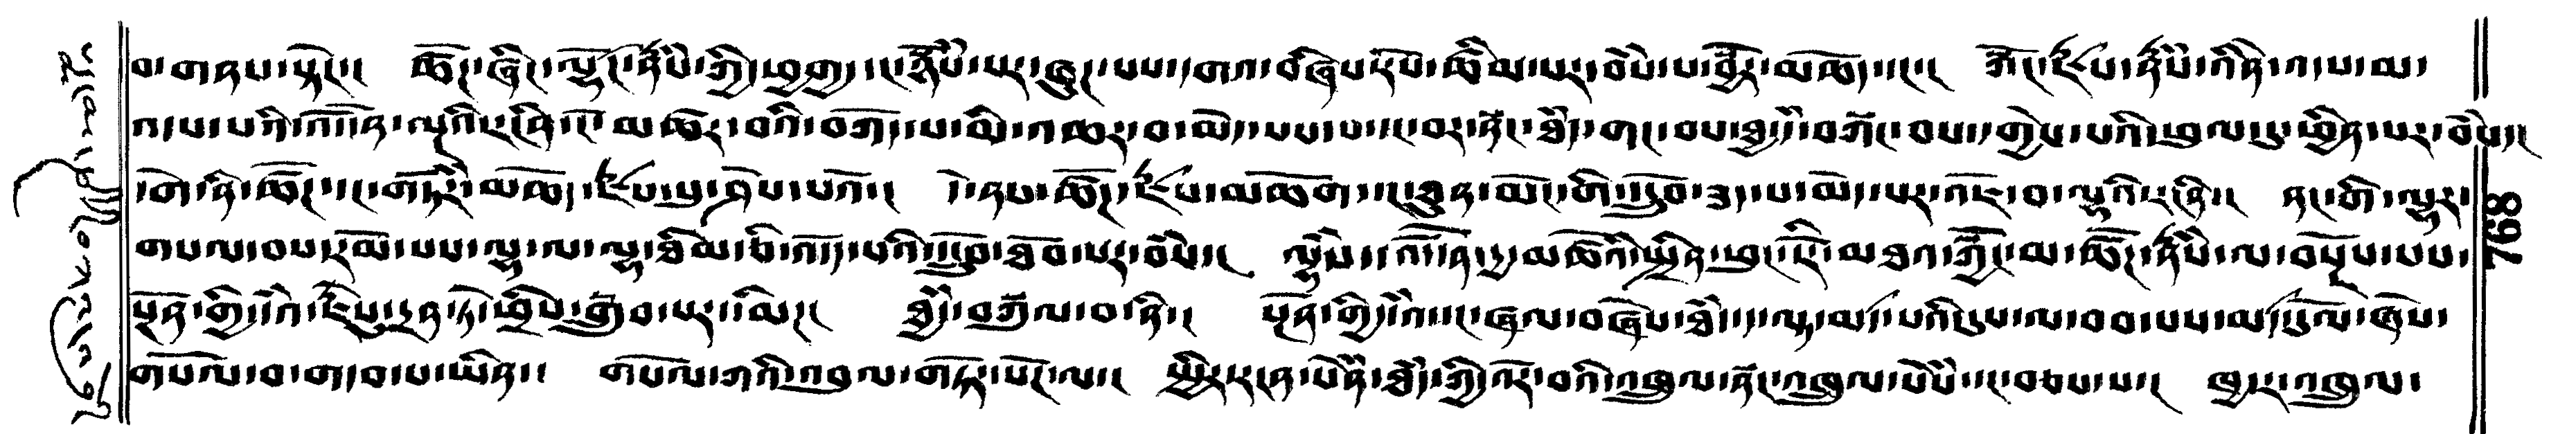བ་གནས་སྟོངས། ཚོགས་ཞིང་ལྷ་ཚོགས་རྣམས་ཀྱི་ཕྱག་རྒྱ་དང་སྙོམས་པར་ཞུགས་པས་དགའ་བཞིའི་རོས་ཚིམས་པར་བསམ་པ་སྦྱོར་མཆོད་དང་། སྐོང་རྫས་རྣམས་འཇིག་རྟེན་འདས་མ་
འདས་པའི་འདོད་ཡོན་ལྔ་རང་བཞིན་ངོ་མཚར་བའི་བཀོད་པ་མི་འཆར་བ་མེད་པ་ས་དང་བར་སྣང་ཐམས་ཅད་གང་བས་ཐུགས་དམ་བསྐང་བས་དགྱེས་པའི་ཕུལ་དུ་ཕྱིན་པར་བསམ། 
དེ་དག་ནི་ཚོགས་དང་གཏོར་མ་མཆོད་རྫས་སུ་ཤེས་པའོ། དེ་ནས་ཚོགས་རྫས་མཆོག་དང་ཐུན་མོང་གི་དངོས་གྲུབ་ཟད་པ་མེད་པར་འཇོ་བ་ལྷའི་རང་བཞིན། ནང་གི་ལྷར་
གསལ་བ་སད་པར་མོས་པས་ལྷ་ལ་ལྷ་ཐིམ་ཅིང་འདོད་པའི་དངོས་གྲུབ་ཐོབ་པར་བསམ། ལྷག་མ་འདོད་ཡོན་རྒྱ་མཚོའི་སྤྲིན་ཕུང་དཀྱིལ་འཁོར་མཐའ་སྐྱོང་མ་ཚོགས་རྣམས་ལ་བསྔོས་པས་
སྔོན་གྱི་དམ་བཅའ་རྗེས་སུ་དྲན་ཏེ་ཕྲིན་ལས་སྒྲུབས་པར་དམིགས། ཐུགས་དམ་བསྐུལ་བ་ནི། སྔོན་གྱི་དམ་བཅའ་དང་ཞལ་བཞེས་ཐམས་ཅད་ད་ལྟ་མཛད་པའི་དུས་ལ་བབ་པས་མཛད་དུ་གསོལ་ཞེས་
གསོལ་བ་གདབ་པ་ཡིན། གསོལ་ཀའི་འབུལ་གཏོར་སོགས་ལ། སྤྱིར་རང་གཞན་སེམས་ཅན་ཐམས་ཅད་ཀྱི་འཁོར་བའི་འཁྲུལ་སྣང་འཁྲུལ་སེམས་དང་བཅས་པ། ཁྱད་པར་འཁྲུལ་